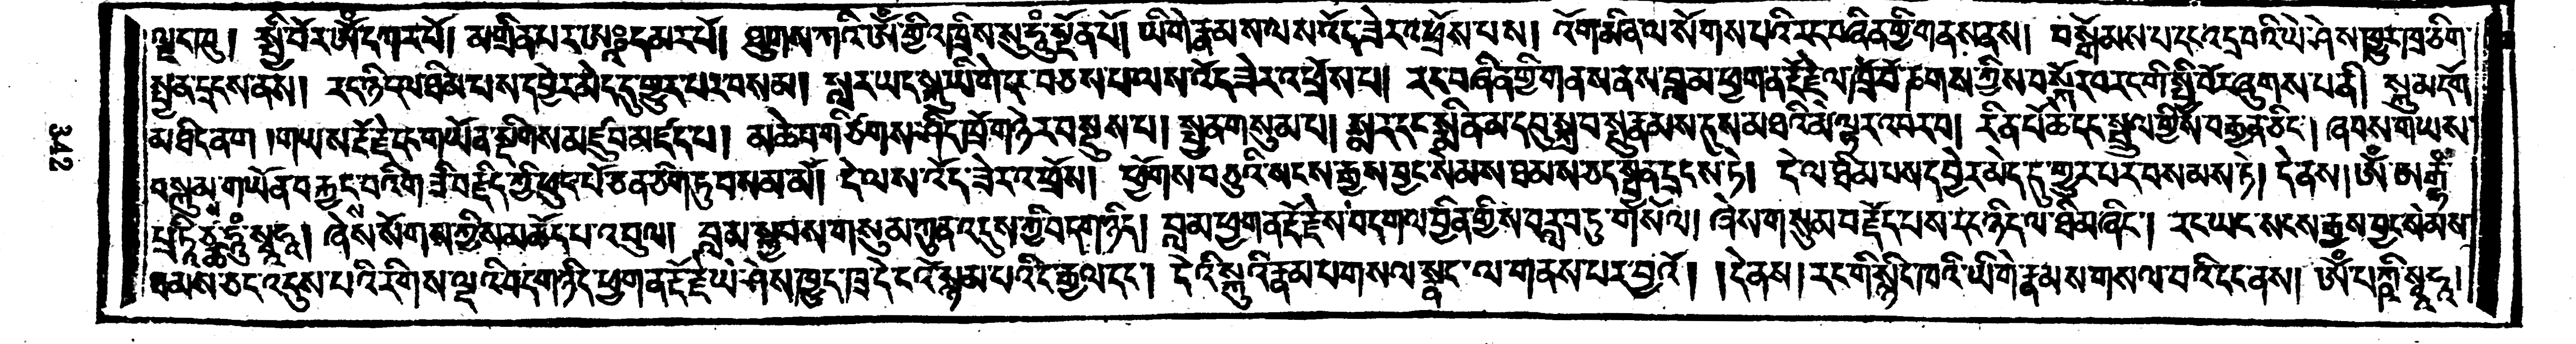ལྗང་ཁུ། སྤྱི་བོར་ཨོཾ་དཀར་པོ། མགྲིན་པར་ཨཱཿ དམར་པོ། ཐུགས་ཀའི་ཨོཾ་གྱི་འཁྲིས་སུ་ཧཱུཾ་སྔོན་པོ། ཡི་གེ་རྣམས་ལས་འོད་ཟེར་འཕྲོས་པས། འོག་མིན་ལ་སོགས་པའི་རང་བཞིན་གྱི་གནས་ནས། བསྒོམས་པ་དང་འདྲ་བའི་ཡེ་ཤེས་ཁྱུར་ཁྲ་ཅིག་
སྤྱན་དྲངས་ནས། རང་ཉིད་ལ་ཐིམ་པས་དབྱེར་མེད་དུ་གྱུར་པར་བསམ། སླར་ཡང་སྐུ་ཡི་གེ་དང་བཅས་པ་ལས་འོད་ཟེར་འཕྲོས་པ། རང་བཞིན་གྱི་གནས་ནས་བླ་མ་ཕྱག་ན་རྡོ་རྗེ་ལ་ཁྲོ་བོ་ཎགས་ཀྱིས་བསྐོར་བ་རང་གི་སྤྱི་བོར་ཞུགས་པ་ནི། སྐུ་མདོག་
མཐིང་ནག །གཡས་རྡོ་རྗེ་དང་གཡོན་སྡིགས་མཛུབ་མཛད་པ། མཆེ་བ་གཙིགས་ཤིད་ཁྲོ་གཉེར་བསྡུས་པ། སྤྱན་གསུམ་པ། སྨར་དང་སྨིན་མ་དབུ་སྐྲ་བ་སྤུ་རྣམས་དུས་མཐའི་མེ་ལྟར་འབར་བ། རིན་པོ་ཆེ་དང་སྦྲུལ་གྱིས་བརྒྱན་ཅིང་། ཞབས་གཡས་
བསྐུམས་གཡོན་བརྐྱངས་པའི་གཟི་བརྗིད་ཀྱི་ཕུང་པོ་ཅན་ཅིག་ཏུ་བསམ་མོ། དེ་ལས་འོད་ཟེར་འཕྲོས། ཕྱོགས་བཅུའི་སངས་རྒྱས་བྱང་སེམས་ཐམས་ཅད་སྤྱན་དྲངས་ཏེ། དེ་ལ་ཐིམ་པས་དབྱེར་མེད་དུ་གྱུར་པར་བསམས་ཏེ། དེ་ནས། ཨོཾ་ཨརྒྷཾ་
པྲཏཱིཙྪ་ཧཱུཾ་སྭཱ་ཧཱ། ཞེས་སོགས་ཀྱིས་མཆོད་པ་འབུལ། བླ་མ་སྐྱབས་གསུམ་ཀུན་འདུས་ཀྱི་བདག་ཉིད། བླ་མ་ཕྱག་ན་རྡོ་རྗེས་བདག་ལ་བྱིན་གྱིས་བརླབ་ཏུ་གསོལ། ཞེས་གསུམ་བརྗོད་པས་རང་ཉིད་ལ་ཐིམ་ཞིང་། རང་ཡང་སངས་རྒྱས་བྱང་སེམས་
ཐམས་ཅད་འདུས་པའི་རིགས་ལྔའི་བདག་ཉིད་ཕྱག་ན་རྡོ་རྗེ་ཡེ་ཤེས་ཁྱུད་ཁྲ་དེ་ངའོ་སྙམ་པའི་ང་རྒྱལ་དང་། དེའི་སྐུའི་རྣམ་པ་གསལ་སྣང་ལ་གནས་པར་བྱའོ། །དེ་ནས། རང་གི་སྙིང་ཁའི་ཡི་གེ་རྣམས་གསལ་བའི་ངང་ནས། ཨོཾ་པཀྵི་སྭཱཧཱ།